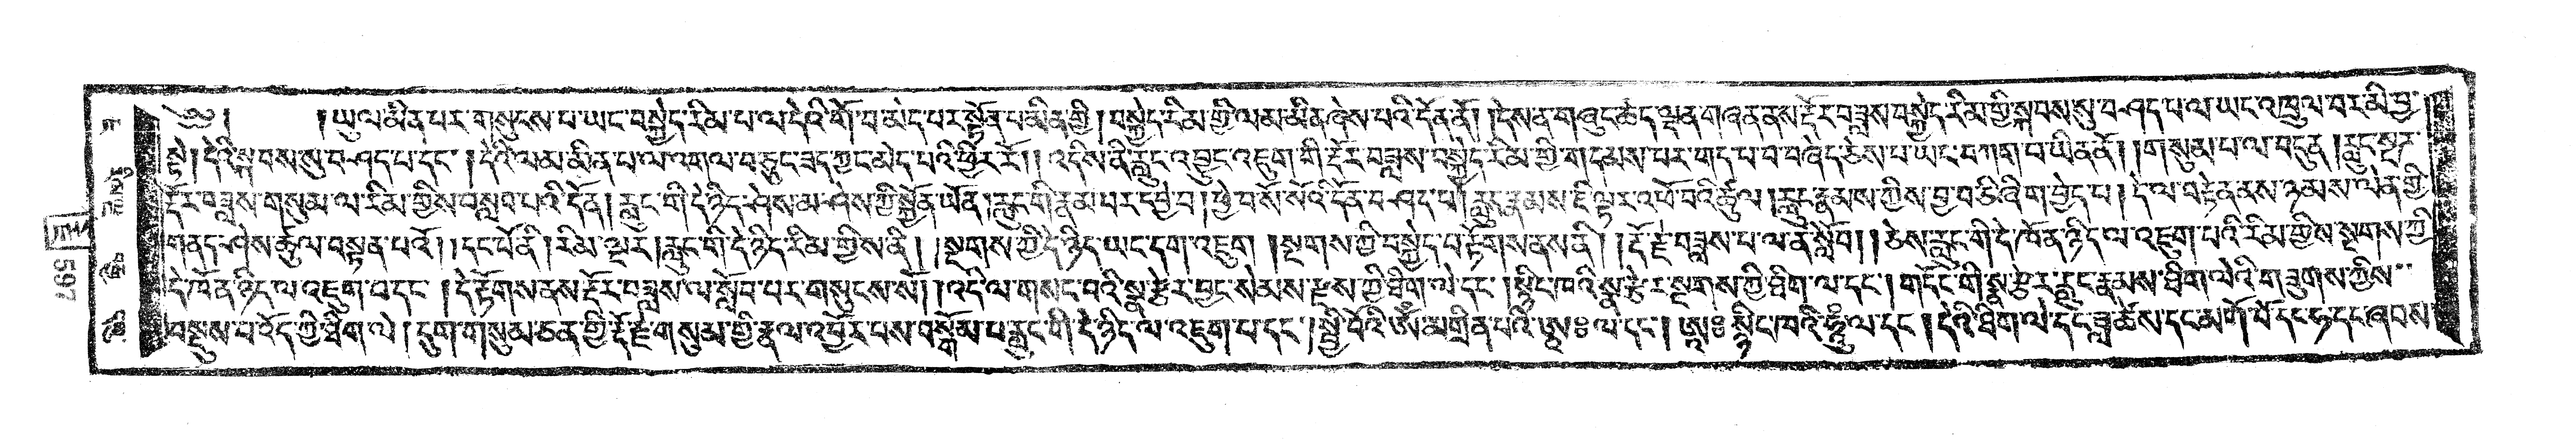༄༅། །ཡུལ་མིན་པར་གསུངས་པ་ཡང་བསྐྱེད་རིམ་པ་ལ་དེའི་གོ་བ་མེད་པར་སྟན་པ་མིན་གྱི། བསྐྱེད་རིམ་གྱི་ལམ་མིན་ཞེས་པའི་དེན་ནོ། །དེས་ན་གཞུང་ཆད་ལྡན་གཞན་ནས་རྡོར་བཟླས་བསྐྱེད་རིམ་གྱི་སྐབས་སུ་བཤད་པ་ལ་ཡང་འཁྲུལ་བར་མི་བྱ་
སྟེ། དེའི་སྐབས་སུ་བཤད་པ་དང་།དེའི་ལམ་མིན་པ་ལ་འགལ་བ་ཅུང་ཟད་ཀྱང་མེད་པའི་ཕྱིར་རོ། །འདིས་ནི་རླུང་འབྱུང་འཇུག་གི་རྡོར་བཟླས་བསྐྱེད་རིམ་གྱི་གདམས་པར་གད་པ་བ་བཞེད་ཅེས་པ་ཡང་བཀག་པ་ཡིན་ནོ། །གསུམ་པ་ལ་བདུན། རླུང་སྔགས་
རྡོར་བཟླས་གསུམ་ལ་རིམ་གྱིས་བསླབ་པའི་དེན། རླུང་གི་དེ་ཉིད་ཤེས་མ་ཤེས་ཀྱི་སྐྱོན་ཡོན། རླུང་གི་རྣམ་པར་དབྱེ་བ། ཕྱེ་བ་སོ་སོའི་དོན་བཤད་པ། རླུང་རྣམས་ཇི་ལྟར་འཕོ་བའི་ཚུལ། རླུང་རྣམས་ཀྱིས་བྱ་བ་ཅི་ཞིག་བྱེད་པ། དེ་ལ་བརྟེན་ནས་ཉམས་ལེན་གྱི་
གནད་ཤེས་ཚུལ་བསྟན་པའོ། །དང་པོ་ནི། རིམ་ལྔར། རླུང་གི་དེ་ཉིད་རིམ་གྱིས་ནི། །སྔགས་ཀྱི་དེ་ཉིད་ཡང་དག་འཇུག །སྔགས་ཀྱི་བསྐྱེད་པ་རྟོགས་ནས་ནི། །རྡོ་རྗེ་བཟླས་པ་ལ་ནི་སློབ། །ཅེས་རླུང་གི་དེ་ཁོ་ན་ཉིད་ལ་འཇུག་པའི་རིམ་གྱིས་སྔགས་ཀྱི་
དེ་ཁོ་ན་ཉིད་ལ་འཇུག་པ་དང་། དེ་རྟོགས་ནས་རྡོར་བཟླས་ལ་སློབ་པར་གསུངས་སོ། །འདི་ལ་གསང་བའི་སྣ་རྩེར་བྱང་སེམས་རྫས་ཀྱི་ཐིག་ལེ་དང་།སྙིང་ཁའི་སྣ་རྩེར་སྔགས་ཀྱི་ཐིག་ལེ་དང་།གདོང་གི་སྣ་རྩེར་རླུང་རྣམས་ཐིག་ལེའི་གཟུགས་ཀྱིས་
བསྡུས་པ་འོད་ཀྱི་ཐིག་ལེ་།དུག་གསུམ་ཅན་གྱི་རྡོ་རྗེ་གསུམ་གྱི་རྣལ་འབྱོར་པས་བསྒོམ་པ་རླུང་གི་དེ་ཉིད་ལ་འཇུག་པ་དང་།སྤྱི་བོའི་ཨོཾ་མགྲིན་པའི་ཨཱཿ ལ་དང་། ཨཱཿ སྙིང་ཁའི་ཧཱུཾ་ལ་དང་། དེའི་ཐིག་ལེ་དང་ཟླ་ཚེས་དང་མགོ་བོ་དང་ཧ་དང་ཞབས་